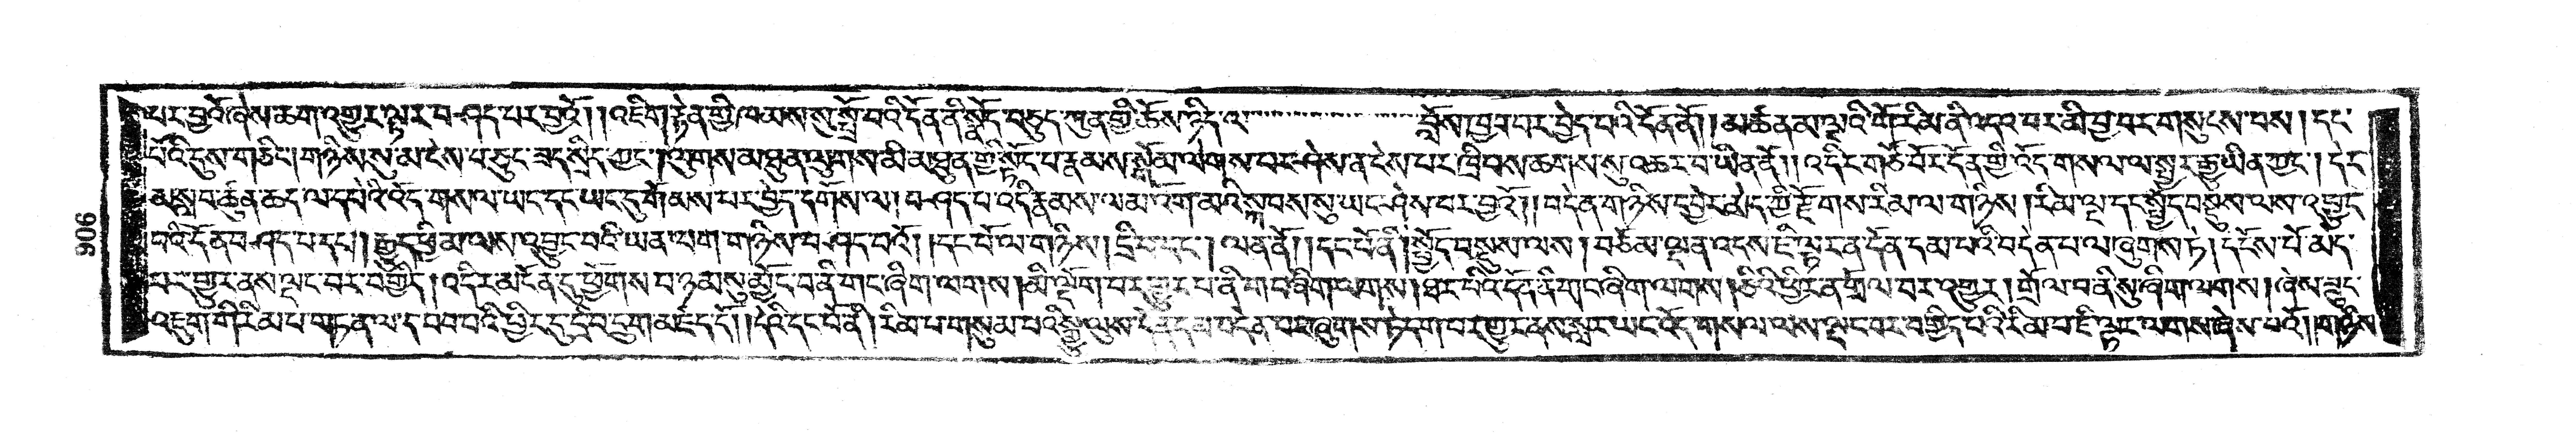པར་བྱའོ་ཞེས་ཆག་འགྱུར་ལྟར་བཤད་པར་བྱའོ། །འཇིག་རྟེན་གྱི་ཁམས་སུ་སྤྲོ་བའི་དོན་ནི་སྣོད་བཅུད་ཀུན་གྱི་ཆོས་ཉིད་ལ་བློས་ཁྱབ་པར་བྱེད་པའི་དོན་ནོ། །མཚན་མ་ལྔའི་གོ་རིམ་ནི་འདའ་བར་མི་བྱ་བར་གསུངས་པས། དང་
པོའི་དུས་གཅིག་གཉིས་སུ་མ་ངེས་པ་ཅུང་ཟད་སྲིད་ཀྱང་། ལུགས་མཐུན་ལུགས་མི་མཐུན་གྱི་སྟོང་པ་རྣམས་སྒོམ་ལེགས་པར་ཤེས་ན་ངེས་པར་ཁྲིགས་ཆགས་སུ་འཆར་བ་ཡིན་ནོ། །འདིར་གཙོ་བོར་དོན་གྱི་འོད་གསལ་ལ་སྦྱར་རྒྱུ་ཡིན་ཀྱང་། དེར་
མ་སླབ་ཚུན་ཆད་ལ་དཔེའི་འོད་གསལ་ཡང་དང་ཡང་དུ་གོམས་པར་བྱེད་དགོས་ལ། བཤད་པ་འདི་རྣམས་ལམ་འོག་མའི་སྐབས་སུ་ཡང་ཤེས་པར་བྱའོ། །བདེན་གཉིས་དབྱེར་མེད་ཀྱི་རྫོགས་རིམ་ལ་གཉིས། རིམ་ལྔ་དང་སྤྱོད་བསྡུས་ལས་འབྱུང་
བའི་དོན་བཤད་པ་དང་། རྒྱུད་ཕྱི་མ་ལས་འབྱུང་བའི་ཡན་ལག་གཉིས་བཤད་པའོ། །དང་པོ་ལ་གཉིས། དྲི་བ་དང་། ལན་ནོ། །དང་པོ་ནི། སྤྱོད་བསྡུས་ལས། བཅོམ་ལྡན་འདས་ཇི་ལྟར་ན་དོན་དམ་པའི་བདེན་པ་ལ་ཞུགས་ཏེ། དངོས་པོ་མེད་
པར་གྱུར་ནས་ལྡང་བར་བགྱིད། འདིར་མངོན་དུ་ཕྱོགས་པ་ཉམས་སུ་མྱོང་བ་ནི་གང་ཞིག་ལགས། མི་ལྡོག་པར་གྱུར་པ་ན་གང་ཞིག་ལེགས། ཐར་པའི་དོན་ནི་གང་ཞིག་ལེགས། ཅིའི་ཕྱིར་ན་གྲོལ་བར་འགྱུར། གྲོལ་བ་ནི་སུ་ཞིག་ལགས། ཞེས་ཟུང་
འཇུག་གི་རིམ་པ་གཏན་ལ་དབབ་པའི་ཕྱིར་དུ་དྲི་བ་དུག་མཛད་དོ། །དེའི་དང་པོ་ནི། རིམ་པ་གསུམ་པའི་སྒྱུ་ལུས་དོན་དམ་བདེན་པར་ཞུགས་ཏེ་དག་པར་གྱུར་ནས་སླར་ཡང་འོད་གསལ་ལས་ལྡང་བར་བགྱིད་པའི་རིམ་པ་ཇི་ལྟར་ལགས་ཞེས་པའོ། །གཉིས་